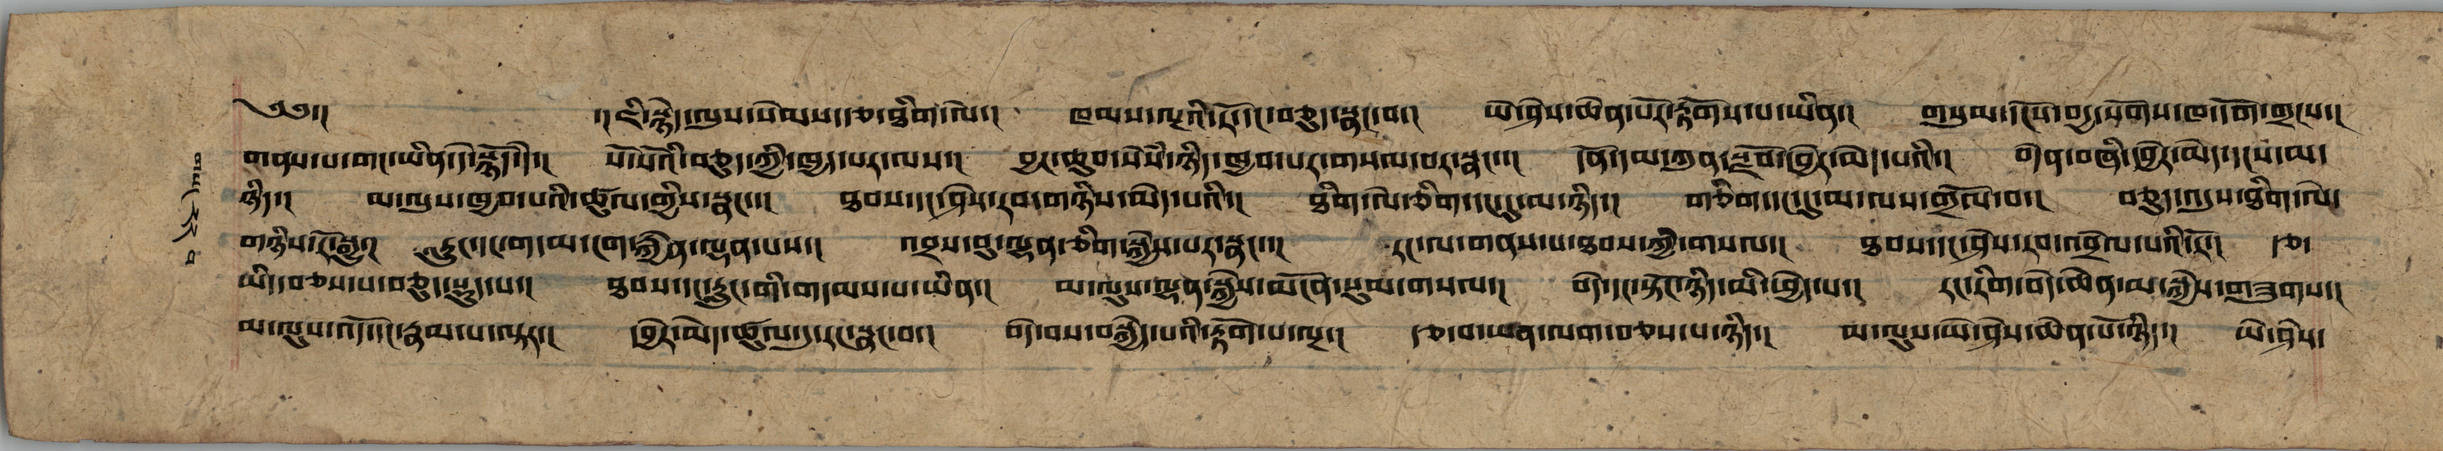༄༅་། ་། ཇི་སྙེད་ལུས་སེམས་རྩ་ཐིག་ལེ་། ཁམས་ལྔའི་རོ་དང་བཅུད་སྣང་བ་། ཡེ་ཤེས་ཆེན་པོར་རྟོགས་པ་ཡིན་། གསུམ་དངོས་བདྱ་སོགས་ཁ་དོག་གྲངས་།
གནས་པ་གང་ཡིན་དེ་སྙོད་དེ་། སོ་སོའི་བཅུད་ཀྱི་ཁྱད་པར་ལས་། བྱང་ཆུབ་སེཾས་ཉིད་ཁྱབ་པར་གསལ་བར་སྣང་་། དོན་དམ་ཀུན་སྫོབ་དབྱེར་མེད་པའི་། བདེན་བཞི་དབྱེར་མེད་དངས་མ་
ཉིད་། མ་ལུས་ཁྱབ་པའི་ཚུལ་གྱིས་སྣང་་། ཐབས་དང་ཤེས་རབ་གཉིས་མེད་པའི་། ཐིག་ལེ་ཅིག་དང་དུ་མ་ཉིད་། གཅིག་དང་དུ་མ་ལས་གྲོལ་བ་། བཅུད་འདུས་ཐིག་ལེ་
གཉིས་རོ་སྒྱུ་། རླུང་དང་གདམ་ངག་རྐྱེན་ལྡན་པས་། འབྲས་བུ་ལྷན་ཅིག་སྐྱེས་པར་སྣང་་། རང་ལ་གནས་པ་ཐབས་ཀྱི་གསལ་། ཐབས་དང་ཤེས་རབ་འབྲེལ་པའི་རོ་། རྩ་
ཡིད་བཅས་པ་བཅུད་སྡུད་པ་། ཐབས་དང་རླུང་གི་གདམས་པ་ཡིན་། མ་ལུས་ལྷན་སྐྱེས་མངོན་སུམ་གསལ་། བདེ་དང་སྟོང་ཉིད་མི་ཕྱེད་པ་། རང་རིག་བདེ་ཆེན་མ་སྐྱེས་གཟུགས་།
མ་ལུས་འོད་དང་རྣམ་པ་ལྟར་། དབྱེར་མེད་ཚུལ་དུ་རང་སྣང་བ་། བདེ་བས་བསྐྱེད་པའི་རྟོག་པ་ལྔ་། རྩ་བ་ཡན་ལག་བཅས་པ་ཉིད་། མ་ལུས་ཡེ་ཤེས་ཆེན་པོ་ཉིད་། ཡེ་ཤེས་